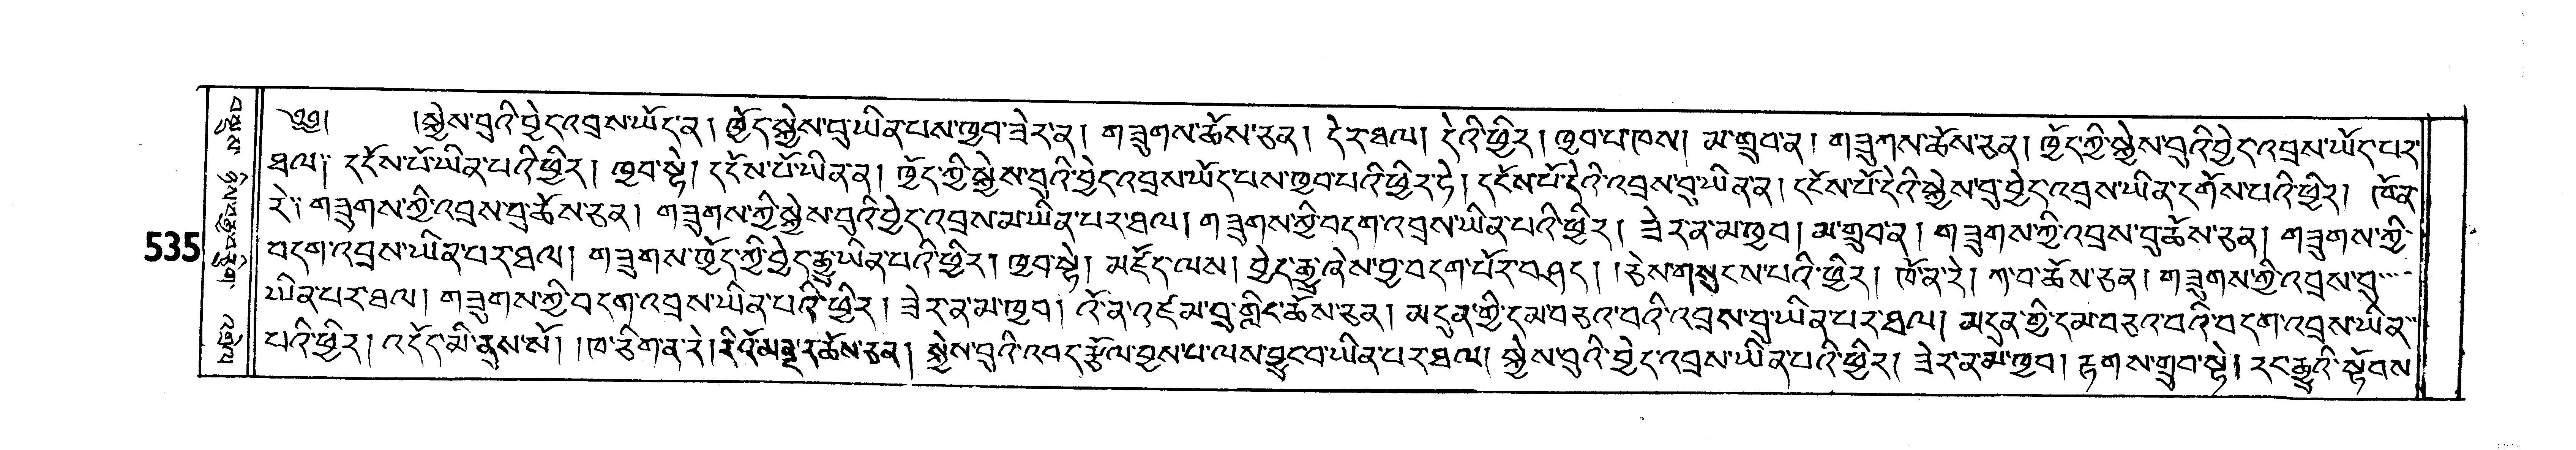༄༅། །སྐྱེས་བུའི་བྱེད་འབྲས་ཡོད་ན། ཁྱོད་སྐྱེས་བུ་ཡིན་པས་ཁྱབ་ཟེར་ན། གཟུགས་ཆོས་ཅན། དེར་ཐལ། དེའི་ཕྱིར། ཁྱབ་པ་ཁས། མ་གྲུབ་ན། གཟུགས་ཆོས་ཅན། ཁྱོད་ཀྱི་སྐྱེས་བུའི་བྱེད་འབྲས་ཡོད་པར་
ཐལ༑ དངོས་པོ་ཡིན་པའི་ཕྱིར། ཁྱབ་སྟེ། དངོས་པོ་ཡིན་ན། ཁྱོད་ཀྱི་སྐྱེས་བུའི་བྱེད་འབྲས་ཡོད་པས་ཁྱབ་པའི་ཕྱིར་ཏེ། དངོས་པོ་དེའི་འབྲས་བུ་ཡིན་ན། དངོས་པོ་དེའི་སྐྱེས་བུ་བྱེད་འབྲས་ཡིན་དགོས་པའི་ཕྱིར། ཁོ་ན་
རེ༑ གཟུགས་ཀྱི་འབྲས་བུ་ཆོས་ཅན། གཟུགས་ཀྱི་སྐྱེས་བུའི་བྱེད་འབྲས་མ་ཡིན་པར་ཐལ། གཟུགས་ཀྱི་བདག་འབྲས་ཡིན་པའི་ཕྱིར། ཟེར་ན་མ་ཁྱབ། མ་གྲུབ་ན། གཟུགས་ཀྱི་འབྲས་བུ་ཆོས་ཅན། གཟུགས་ཀྱི་
བདག་འབྲས་ཡིན་པར་ཐལ། གཟུགས་ཁྱོད་ཀྱི་བྱེད་རྒྱུ་ཡིན་པའི་ཕྱིར། ཁྱབ་སྟེ། མཛོད་ལས། བྱེད་རྒྱུ་ཞེས་བྱ་བདག་པོར་བཤད། །ཅེས་གསུངས་པའི་ཕྱིར། ཁོ་ན་རེ། ཀ་བ་ཆོས་ཅན། གཟུགས་ཀྱི་འབྲས་བུ་
ཡིན་པར་ཐལ། གཟུགས་ཀྱི་བདག་འབྲས་ཡིན་པའི་ཕྱིར། ཟེར་ན་མ་ཁྱབ། འོ་ན་འཛམ་བུ་གླིང་ཆོས་ཅན། མདུན་གྱི་དམ་བཅའ་བའི་འབྲས་བུ་ཡིན་པར་ཐལ། མདུན་གྱི་དམ་བཅའ་བའི་བདག་འབྲས་ཡིན་
པའི་ཕྱིར། འདོད་མི་ནུས་སོ། །ཁ་ཅིག་ན་རེ། རིའོ་མནྡ་ར་ཆོས་ཅན། སྐྱེས་བུའི་འབད་རྩོལ་བྱས་པ་ལས་བྱུང་བ་ཡིན་པར་ཐལ། སྐྱེས་བུའི་བྱེད་འབྲས་ཡིན་པའི་ཕྱིར། ཟེར་ན་མ་ཁྱབ། རྟགས་གྲུབ་སྟེ། རང་རྒྱུའི་སྟོབས་